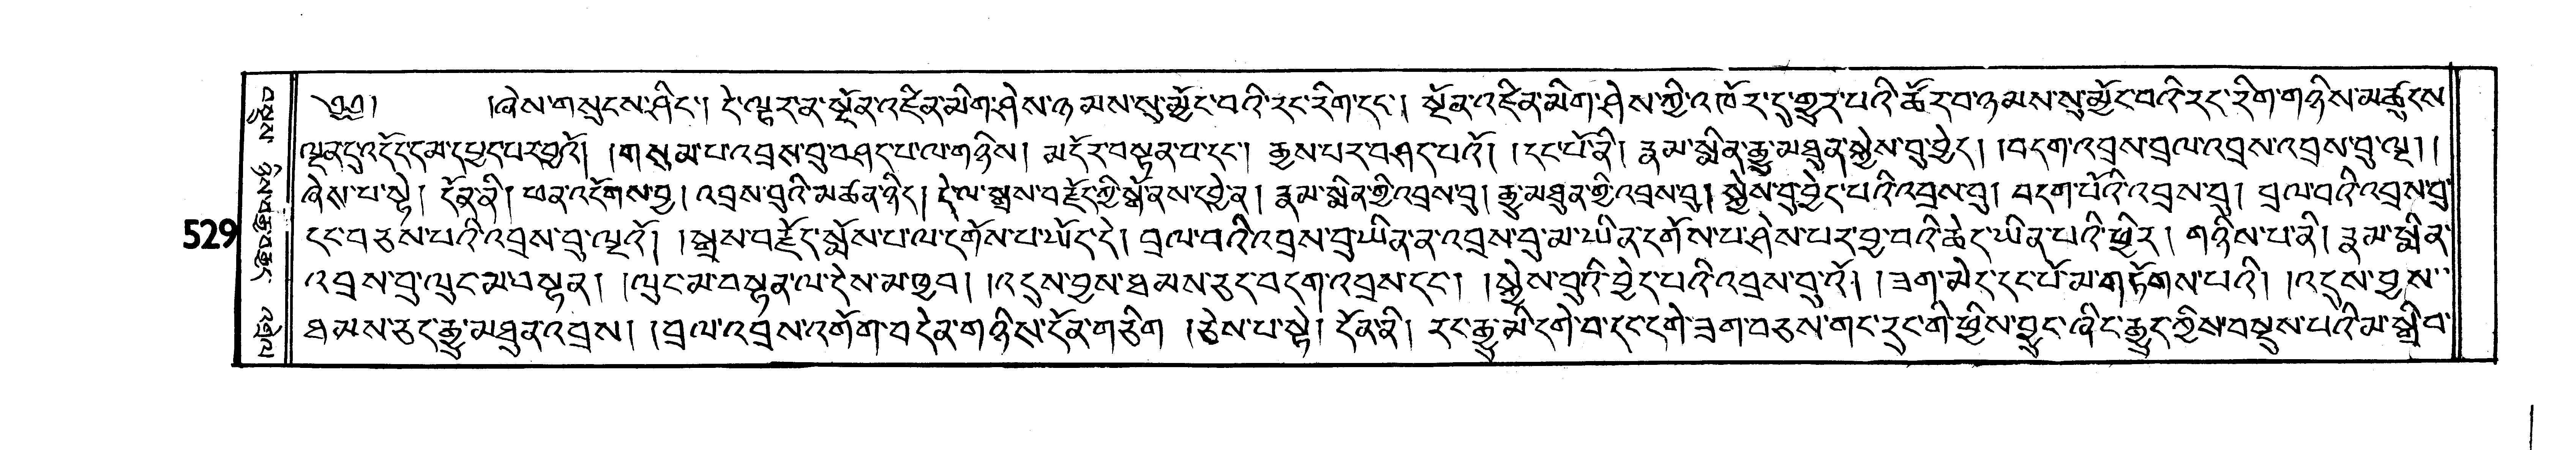༄༅། །ཞེས་གསུངས་ཤིང་། དེ་ལྟར་ན་སྔོན་འཛིན་མིག་ཤེས་ཉམས་སུ་མྱོང་བའི་རང་རིག་དང་། སྔོན་འཛིན་མིག་ཤེས་ཀྱི་འཁོར་དུ་གྱུར་པའི་ཚོར་བ་ཉམས་སུ་མྱོང་བའི་རང་རིག་གཉིས་མཚུངས་
ལྡན་དུ་འདོད་དམ་དཔྱད་པར་བྱའོ། །གསུམ་པ་འབྲས་བུ་བཤད་པ་ལ་གཉིས། མདོར་བསྟན་པ་དང་། རྒྱས་པར་བཤད་པའོ། །དང་པོ་ནི། རྣམ་སྨིན་རྒྱུ་མཐུན་སྐྱེས་བུ་བྱེད། །བདག་འབྲས་བྲལ་འབྲས་འབྲས་བུ་ལྔ།།
ཞེས་པ་སྟེ། དོན་ནི། ཕན་འདོགས་བྱ། འབྲས་བུའི་མཚན་ཉིད། དེ་ལ་སྒྲས་བརྗོད་ཀྱི་སྒོ་ནས་དབྱེ་ན། རྣམ་སྨིན་གྱི་འབྲས་བུ། རྒྱུ་མཐུན་གྱི་འབྲས་བུ། སྐྱེས་བུ་བྱེད་པའི་འབྲས་བུ། བདག་པོའི་འབྲས་བུ། བྲལ་བའི་འབྲས་བུ་
དང་བཅས་པའི་འབྲས་བུ་ལྔའོ། །སྒྲས་བརྗོད་སྨོས་པ་ལ་དགོས་པ་ཡོད་དེ། བྲལ་བའི་འབྲས་བུ་ཡིན་ན་འབྲས་བུ་མ་ཡིན་དགོས་པ་ཤེས་པར་བྱ་བའི་ཆེད་ཡིན་པའི་ཕྱིར། གཉིས་པ་ནི། རྣམ་སྨིན་
འབྲས་བུ་ལུང་མ་བསྟན། །ལུང་མ་བསྟན་ལ་དེས་མ་ཁྱབ། །འདུས་བྱས་ཐམས་ཅད་བདག་འབྲས་དང་། །སྐྱེས་བུའི་བྱེད་པའི་འབྲས་བུའོ། །ཟག་མེད་དང་པོ་མ་གཏོགས་པའི། །འདུས་བྱས་
ཐམས་ཅད་རྒྱུ་མཐུན་འབྲས། །བྲལ་འབྲས་འགོག་བདེན་གཉིས་དོན་གཅིག །ཅེས་པ་སྟེ། དོན་ནི། རང་རྒྱུ་མི་དགེ་བ་དང་དགེ་ཟག་བཅས་གང་རུང་གི་ཕྱིས་བྱུང་ཞིང་རྒྱུད་ཀྱིས་བསྡུས་པའི་མ་སྒྲིབ་